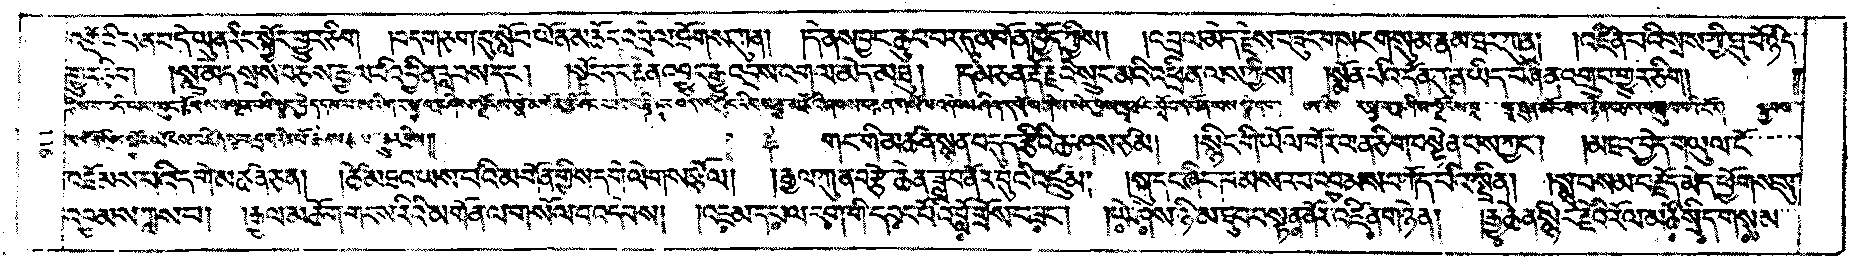འགྲོའི་ཕན་བདེ་ཡུན་རིང་སྐྱོང་གྱུར་ཅིག །བདག་ཅག་པུ་སློབ་ཡོན་མཆོད་འབྲེལ་ཐོགས་ཀུན། །དེ་ནས་བྱང་ཆུབ་བར་དུ་མགོན་ཁྱོད་ཀྱིས། །འབྲལ་མེད་རྗེས་བཟུང་གསང་གསུམ་རྣམ་ཐར་ཀུན། །འཛིན་པའི་སྲས་ཀྱི་ཐུ་བོ་ཉིད་
གྱུར་ཅིག །སླུ་མེད་སྲས་བཅས་རྒྱལ་བའི་བྱིན་རླབས་དང་། །སྟོང་དང་རྟེན་འབྱུང་རྒྱུ་འབྲས་འགལ་མེད་མཐུ། །དམ་ཅན་རྡོ་རྗེའི་སྲུང་མའི་འཕྲིན་ལས་ཀྱིས། །སྨོན་པའི་དོན་ཀུན་ཡིད་བཞིན་འགྲུབ་གྱུར་ཅིག ། །།
ཅེས་པ་འདི་ཡང་ལུང་རྟོགས་བསྟན་པའི་སྣང་བྱེད་དམ་པ་ཨ་རིག་ར་སྐྱ་བཀྲ་ཤིས་ལྗོངས་སྣེ་མགོན་གྱི་ཤིང་བཟའ་པཎྜི་ཏཱ་ངག་དབང་ལུང་རིགས་རྒྱ་མཚོའི་ཞབས་བརྟན་གསོལ་འདེབས་ཤིག་དགོས་ཞེས་སེར་བྱེས་གྲྭ་ཚང་སློབ་དཔོན་ལས་སྣེ་དང་། ཨ་རིག་ར་སྐྱ་བཀྲ་ཤིས་ལྗོངས་བླ་གྲྭ་ཐུན་མོང་ནས་རྟེན་བཅས་བསྐུལ་བའི་ངོར། སྐྱབས་
མགོན་སྲིད་སྐྱོང་ཡོངས་འཛིན་སྟག་བྲག་རིན་པོ་ཆེ་ནས་རྩལ་རྒྱུར་བྲིས།། །། ༈ གང་གི་མཚན་སྙན་བདུད་རྩིའི་ཆ་ཤས་ཙམ། །སྙིང་གི་ཡོལ་གོར་ལན་ཅིག་བསྟེན་པས་ཀྱང་། །མཐར་བྱེད་གཡུལ་ངོ་
འཇོམས་པའི་དགེ་མཚན་ཅན། །ཚེ་མཐའ་ཡས་པའི་མགོན་གྱིས་དགེ་ལེགས་སྩོལ། །རྒྱལ་ཀུན་བརྩེ་ཆེན་ཟླ་བ་ནོར་བུའི་འཛུམ། །སྐུ་དང་ཞིང་ཁམས་རབ་འབྱམས་བཀོད་པའི་སྤྲིན། །སྨྲ་བསམ་བརྗོད་མེད་ཕྱོགས་སུ་
འབྱམས་ཀླས་པ། །རྒྱལ་མཆོག་གངས་རིའི་མགོན་ལ་གསོལ་བ་འདེབས། །འཇམ྾་དཔལ྾་ངག྾་གི་དབང྾་པོའི་བློ྾་གྲོས་བཟང྾། །ཡེ྾་ཤེས྾་ཉི་མ་ཐུབ་བསྟན྾་ནོར་འཛིན྾་གཉེན། །རྒྱ྾་ཆེན་སྙིང་རྗེའི་རོལ་མཚོ྾་སྲིད྾་གསུམ྾་